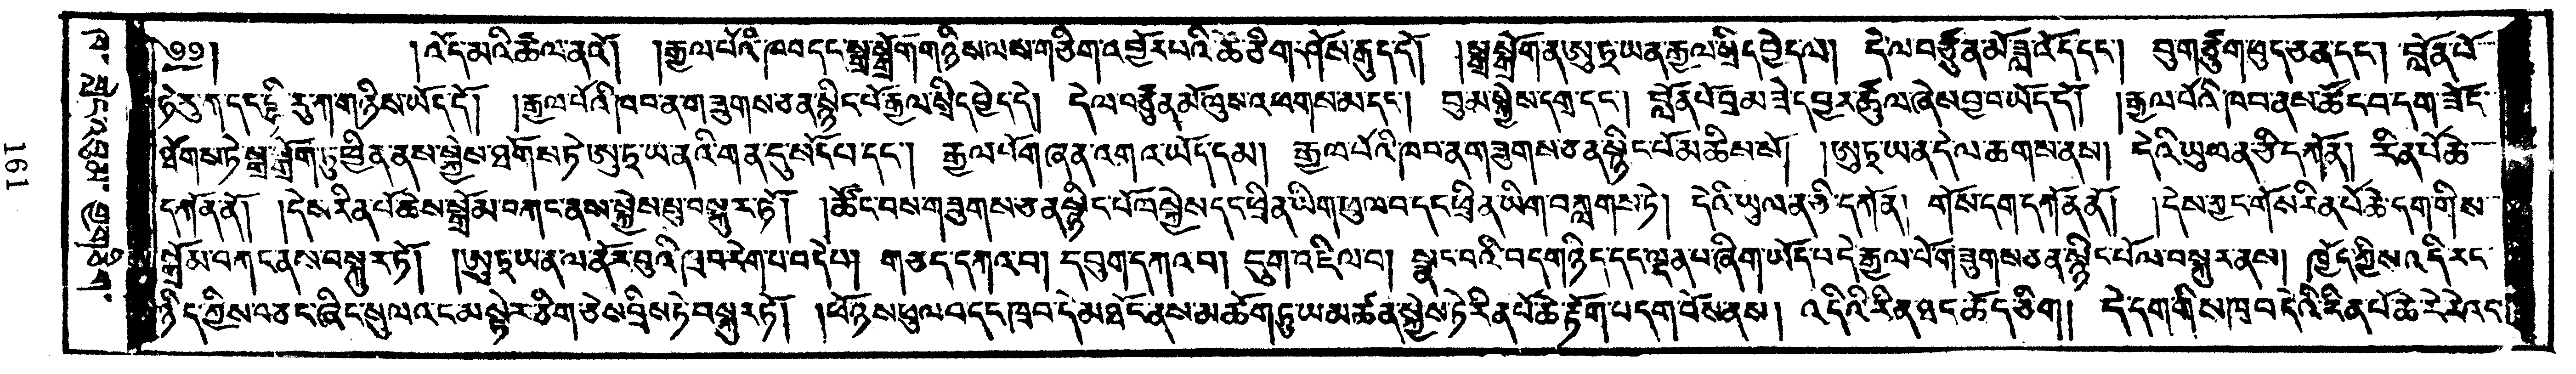༄༅། །འོད་མའི་ཚལ་ནའོ། །རྒྱལ་པོའི་ཁབ་དང་སྒྲ་སྒྲོག་གཉིས་ལས་གཅིག་འབྱོར་པའི་ཚེ་ཅིག་ཤོས་རྒུད་དོ། །སྒྲ་སྒྲོག་ན་ཨུ་ཏྲ་ཡན་རྒྱལ་སྲིད་བྱེད་ལ། དེ་ལ་བཙུན་མོ་ཟླ་འོད་དང་། བུ་གཙུག་ཕུད་ཅན་དང་། བློན་པོ་
ཧེ་རུ་ཀ་དང་དྷི་རུ་ཀ་གཉིས་ཡོད་དོ། །རྒྱལ་པོའི་ཁབ་ན་གཟུགས་ཅན་སྙིང་པོ་རྒྱལ་སྲིད་བྱེད་དེ། དེ་ལ་བཙུན་མོ་ལུས་འཕགས་མ་དང་། བུ་མ་སྐྱེས་དགྲ་དང་། བློན་པོ་བྲམ་ཟེ་དབྱར་ཚུལ་ཞེས་བྱ་བ་ཡོད་དོ། །རྒྱལ་པོའི་ཁབ་ནས་ཚོང་བ་དག་ཟོད་
ཐོགས་ཏེ་སྒྲ་སྒྲོག་ཏུ་ཕྱིན་ནས་སྐྱེས་ཐོགས་ཏེ་ཨུ་ཏྲ་ཡ་ནའི་གན་དུ་སོང་པ་དང་། རྒྱལ་པོ་གཞན་འགའ་ཡོད་དམ། རྒྱལ་པོའི་ཁབ་ན་གཟུགས་ཅན་སྙིང་པོ་མཆིས་སོ། །ཨུཏྲ་ཡ་ན་དེ་ལ་ཆགས་ནས། དེའི་ཡུལ་ན་ཅི་དཀོན། རིན་པོ་ཆེ་
དཀོན་ནོ། །དེས་རིན་པོ་ཆེས་སྒྲོམ་བཀང་ནས་སྐྱེས་སུ་བསྐུར་ཏོ། །ཚོང་བས་གཟུགས་ཅན་སྙིང་པོ་ལ་སྐྱེས་དང་ཕྲིན་ཡིག་ཕུལ་བ་དང་ཕྲིན་ཡིག་བཀླགས་ཏེ། དེའི་ཡུལ་ན་ཅི་དཀོན། གོས་དག་དཀོན་ནོ། །དེས་ཀྱང་གོས་རིན་པོ་ཆེ་དག་གིས་
སྒྲོམ་བཀང་ནས་བསྐུར་ཏོ། །ཨུཏྲ་ཡན་ལ་ནོར་བུའི་ཁྲབ་རེག་པ་བདེ་པ། གཅད་དཀའ་བ། དབུག་དཀའ་བ། དུག་འཇིལ་བ། སྣང་བའི་བདག་ཉིད་དང་ལྡན་པ་ཞིག་ཡོད་པ་དེ་རྒྱལ་པོ་གཟུགས་ཅན་སྙིང་པོ་ལ་བསྐུར་ནས། ཁྱོད་ཀྱིས་འདི་རང་
ཉིད་ཀྱིས་བཅང་ཞིང་སུ་ལའང་མ་སྟེར་ཅིག་ཅེས་བྲིས་ཏེ་བསྐུར་ཏོ། །ཕོ་ཉས་ཕུལ་བ་དང་ཁྲབ་དེ་མཐོང་ནས་མཆོག་ཏུ་ཡ་མཚན་སྐྱེས་ཏེ་རིན་པོ་ཆེ་རྟོག་པ་དག་བོས་ནས། འདིའི་རིན་ཐང་ཆོད་ཅིག། དེ་དག་གིས་ཁབ་དེའི་རིན་པོ་ཆེ་རེ་རེའང་